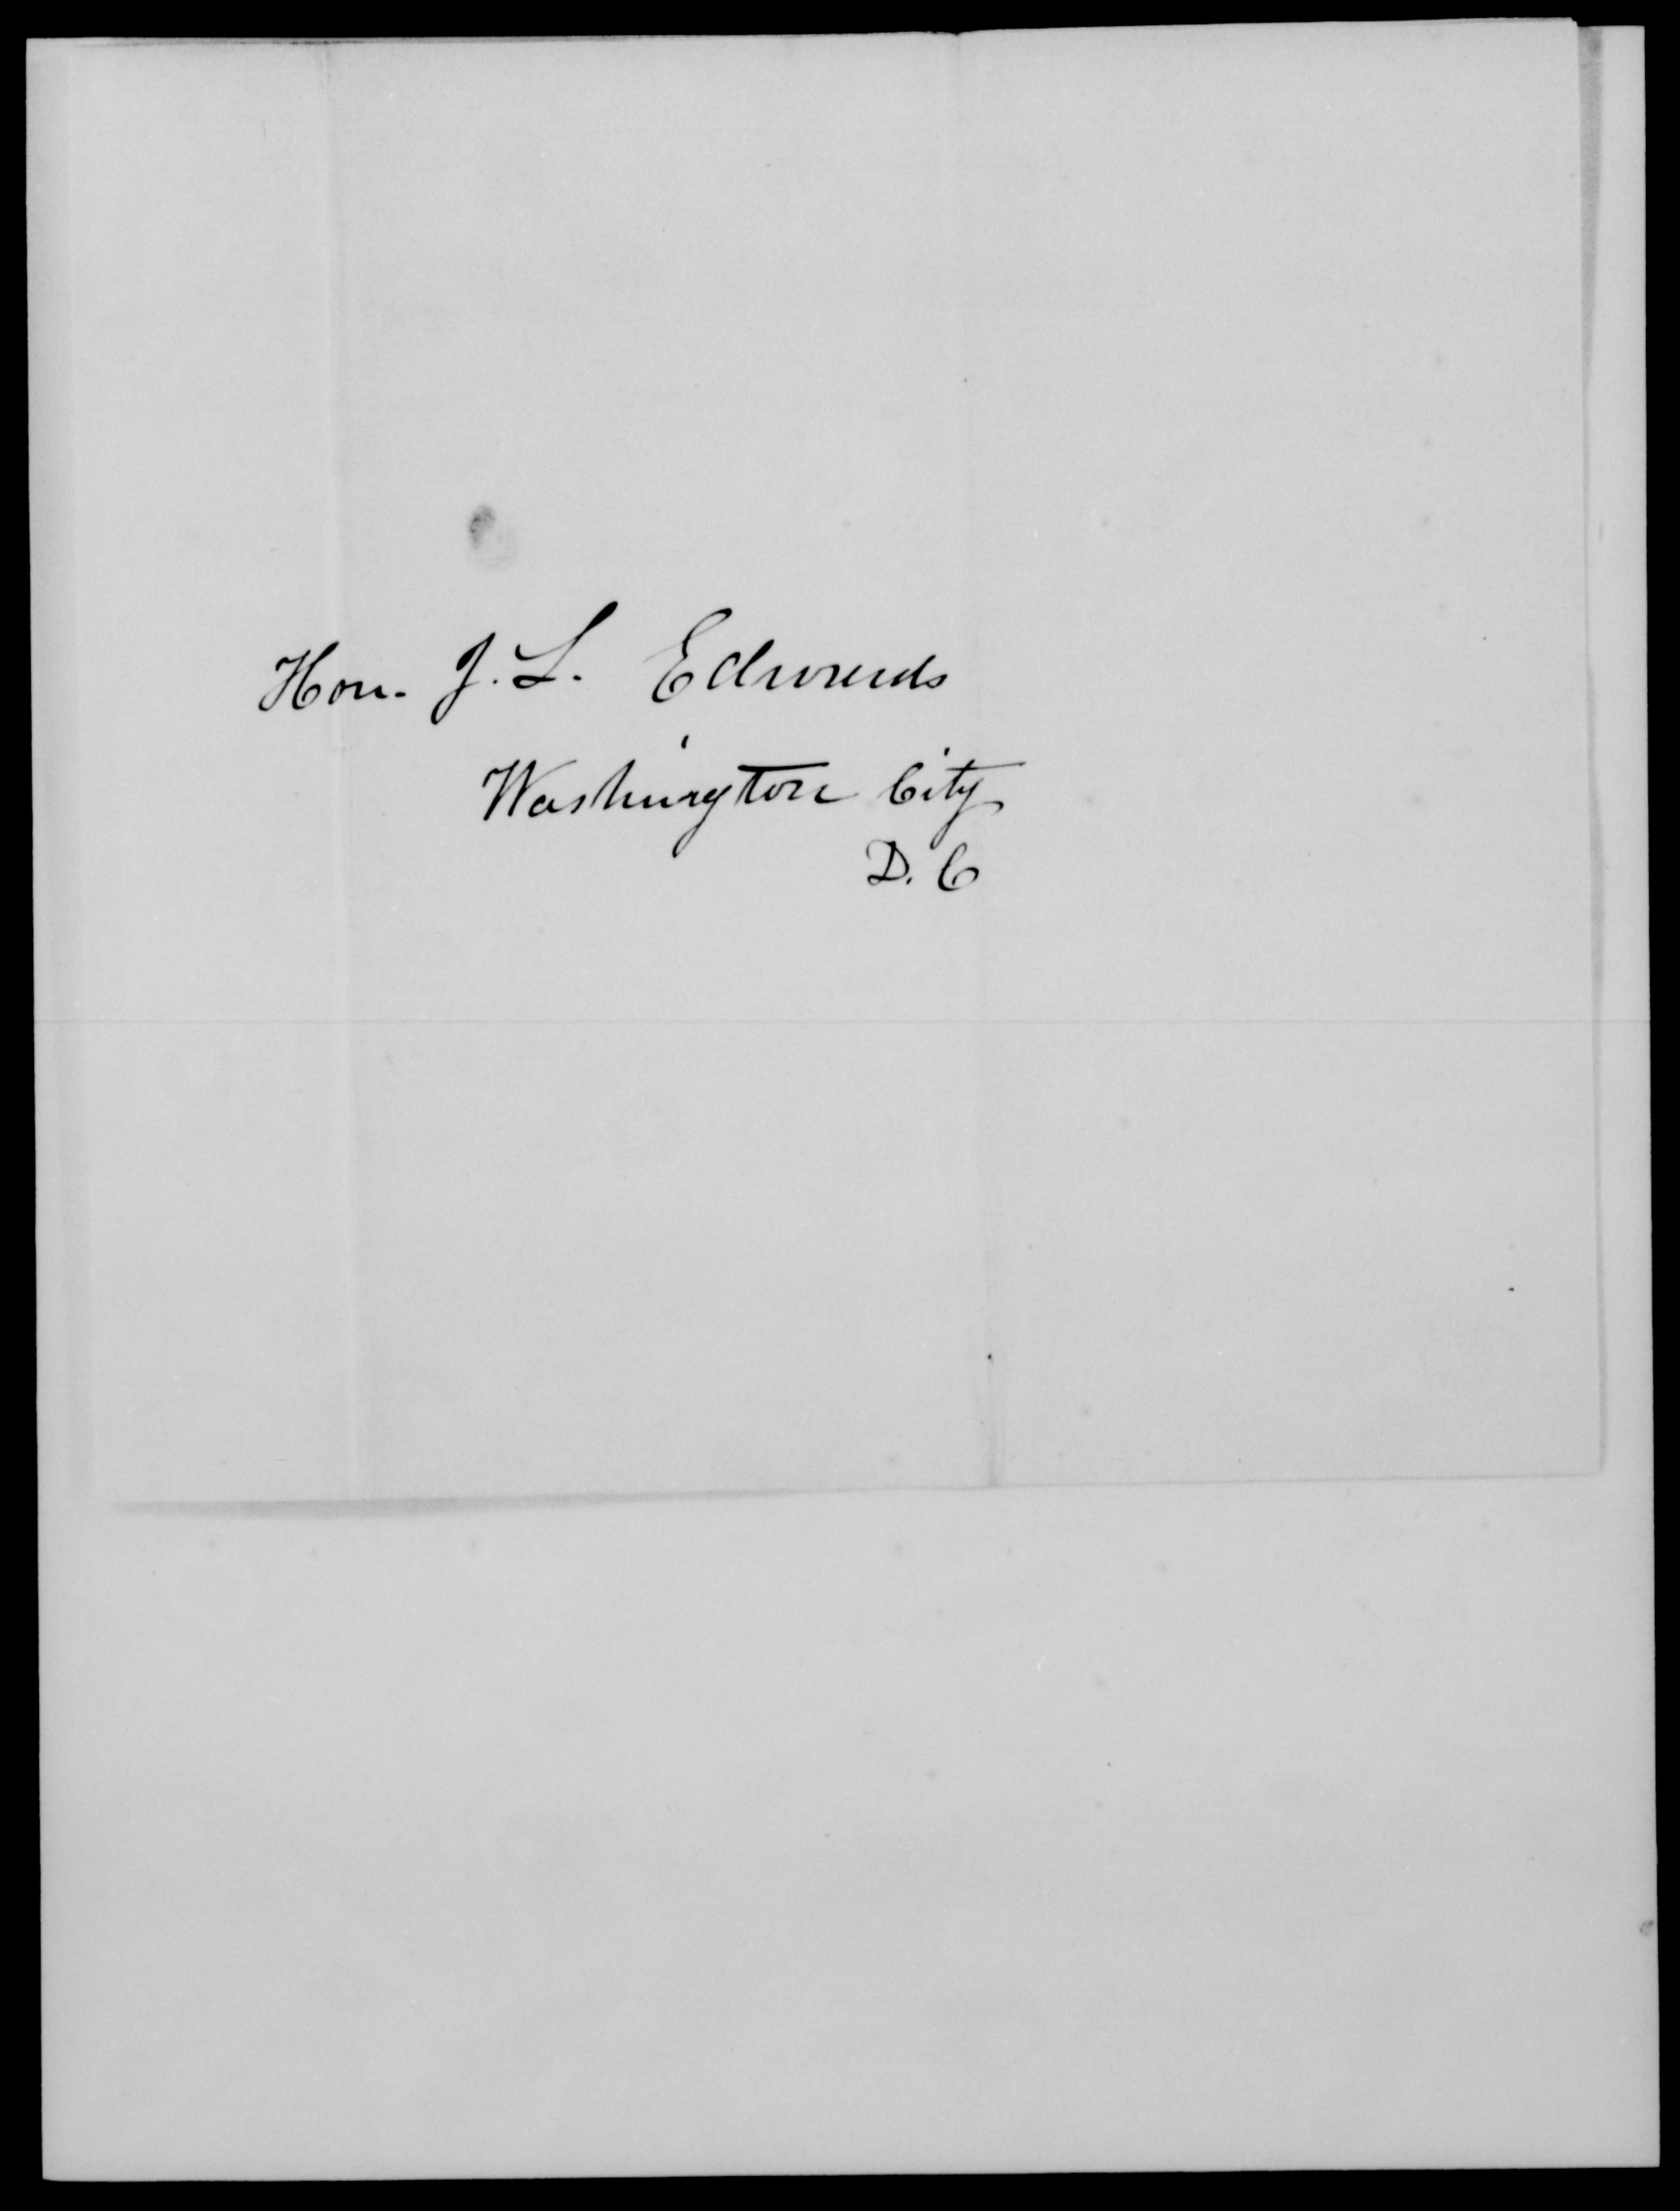Hon. J. L. Edwards
Washington City,
D.C.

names: J L Edwards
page: 17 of 33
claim: survivor's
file: S. 4,841, for James Sickles, New Jersey